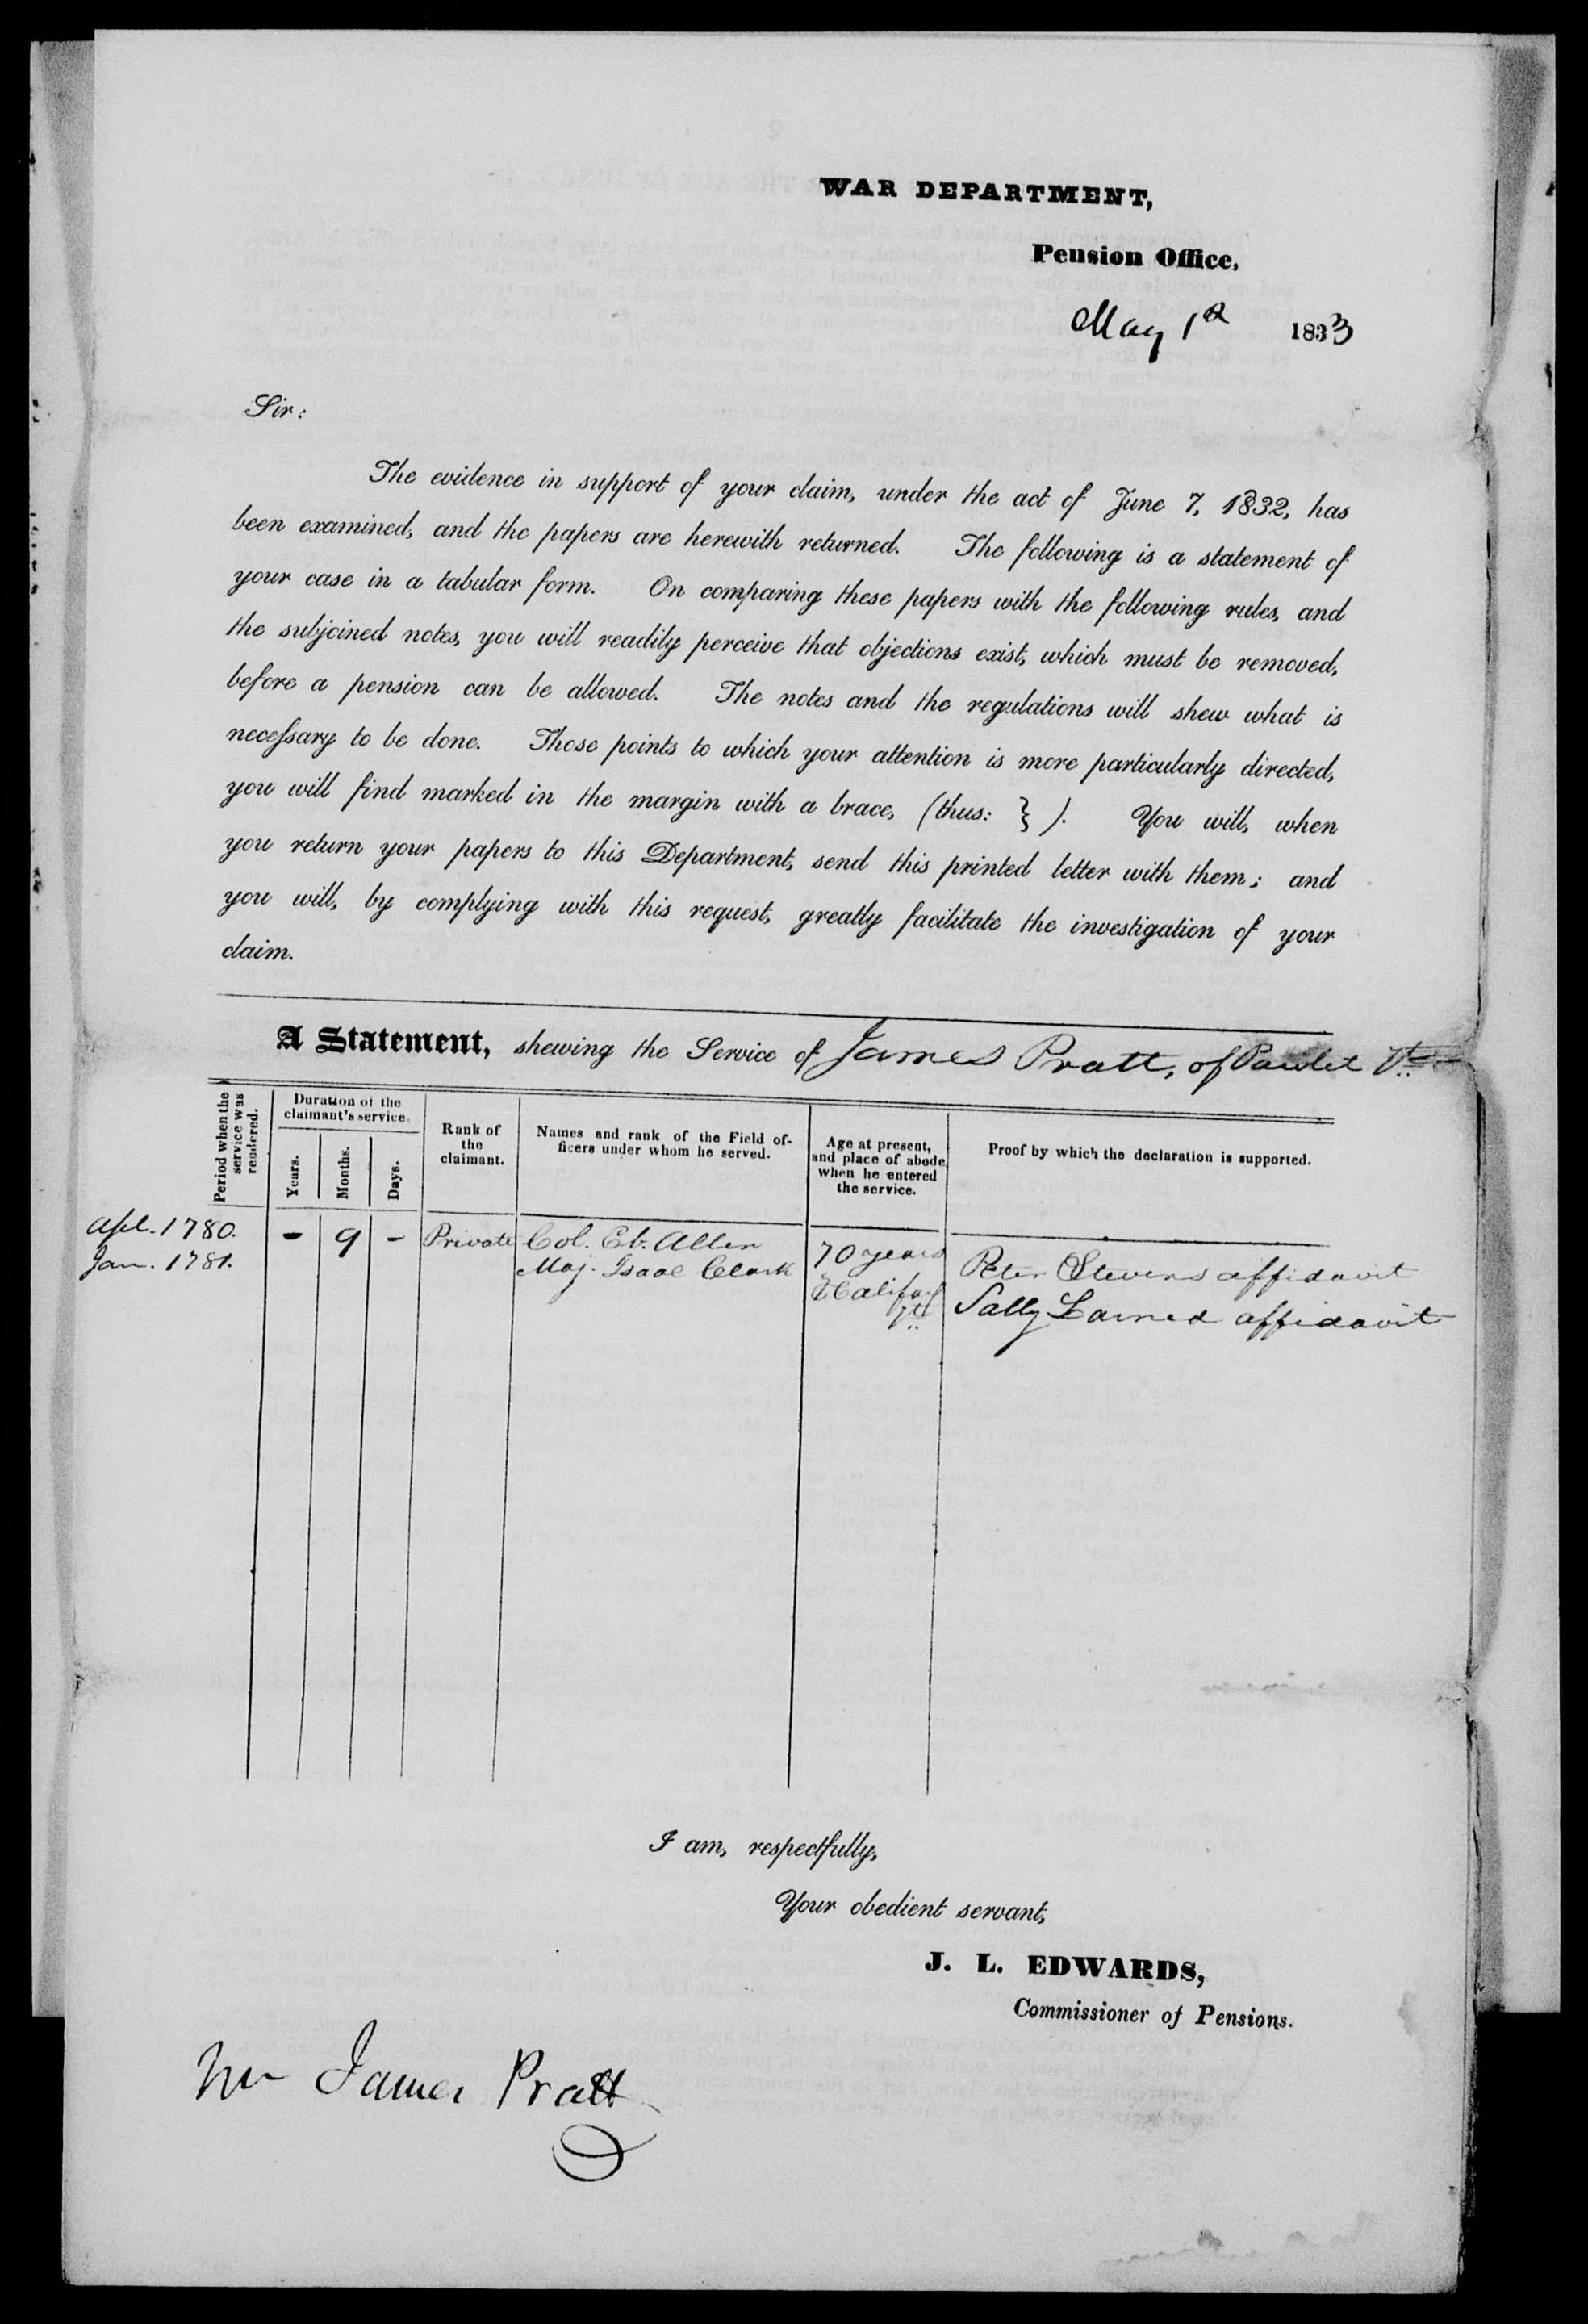WAR DEPARTMENT.
Pension Office,
May 1st 1833
Sir
The evidence in support of your claim, under the act of June 7, 1832, has been examined, and the papers are herewith returned. The following is a statement of
your case in a tabular form. On comparing these papers with the following rules, and
the subjoined notes, you will readily perceive that objections exist, which must be removed,
before a pension can be allowed.
The notes and the regulations will shew what is
necessary to be done. Those points to which your attention is more particularly directed,
you will find marked in the margin with a brace, (thus: }).
You will, when
you return your papers to this Department, send this printed letter with them; and
you will, by complying with this request, greatly facilitate the investigation of your
claim.

Statement, showing the service of James Pratt of Pawlett, Vt.

Period when the service was rendered - Apl. 1780 to Jan. 1781.
Duration of the claimant's service - 9 months
Rank of the claimant - Private
Names and rank of the Field officers under whom he served- 
Col. E. Allen, Maj. Isaac Clark
Age at present and place of abode when he entered the  service. - 70 years,  Halifax
Proof by which the declaration is supported.
Peter Stevens affidavit
Sally Larned affidavit

I am, respectfully,
Your obedient servant
J. L. EDWARDS.
Commissioner of Pensions.

Mr James Pratt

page: 15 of 29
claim: survivor's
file: S. 14,222, for James Pratt, Vermont